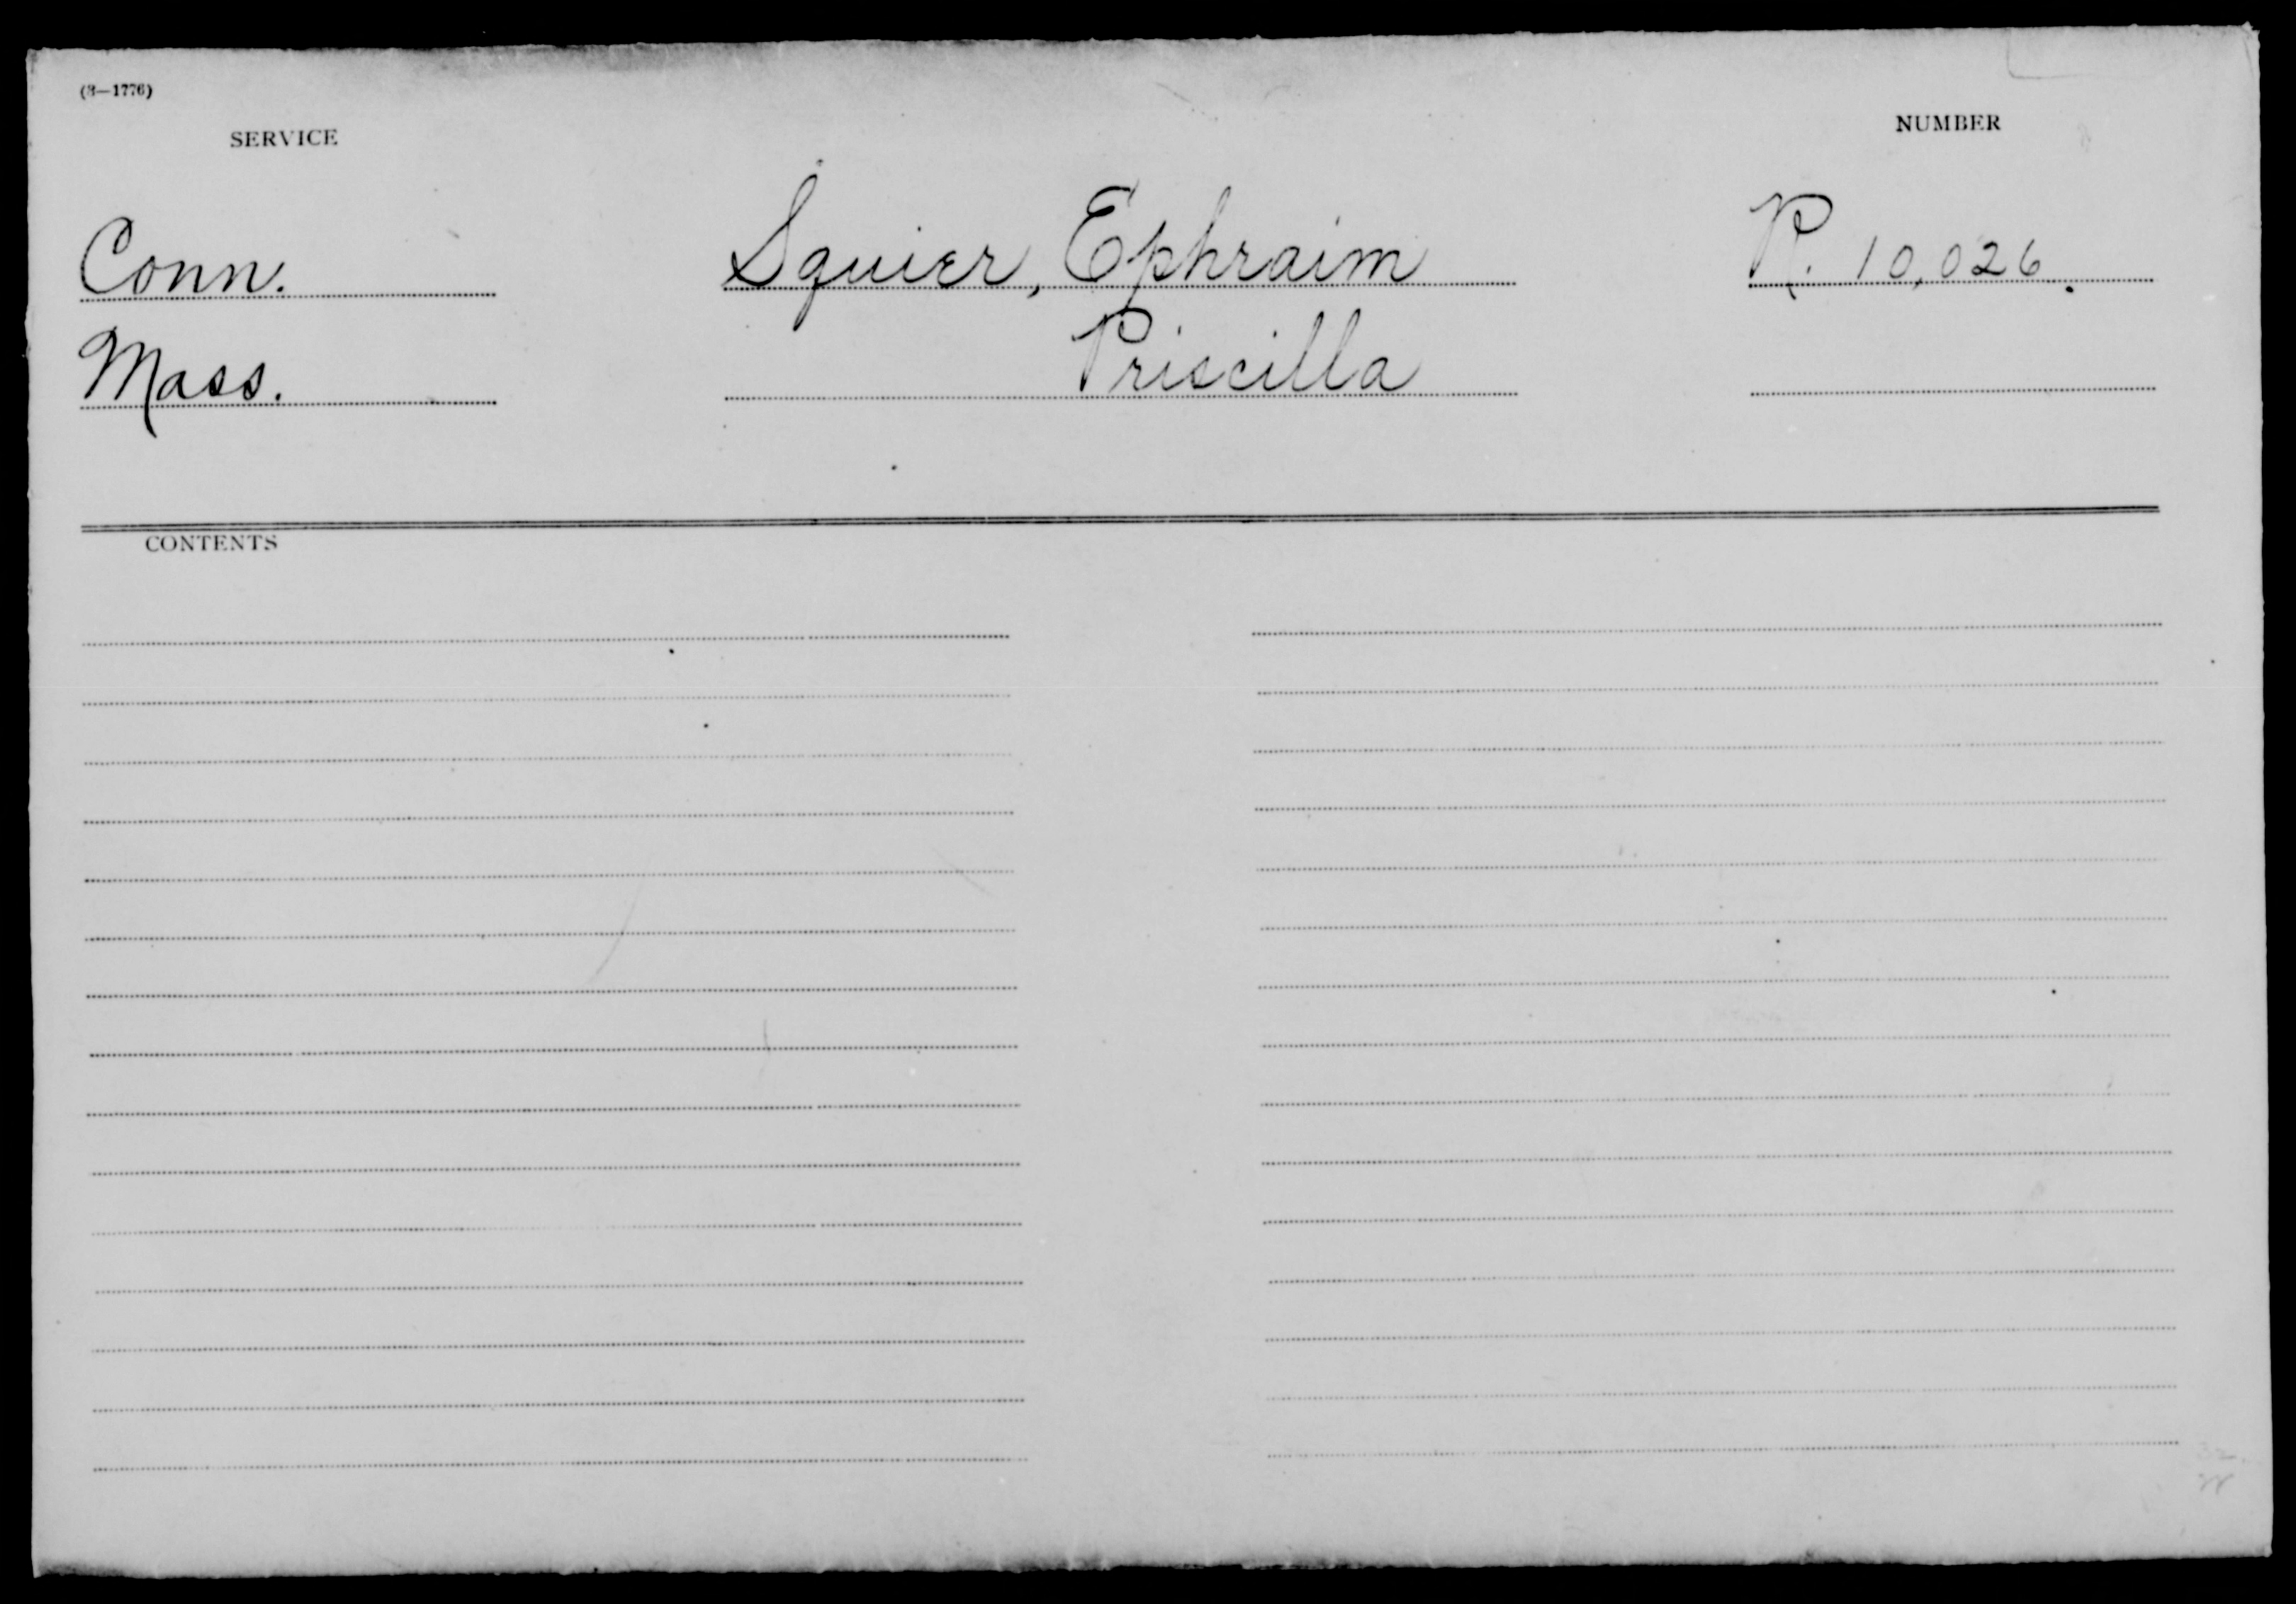(3-1776)

SERVICE
Conn.
Mass.

Squier, Ephraim
Priscilla

NUMBER
R. 10,026

CONTENTS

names: [BLANK]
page: 1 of 70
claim: rejected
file: R. 10,026, for Ephraim Squier, Connecticut